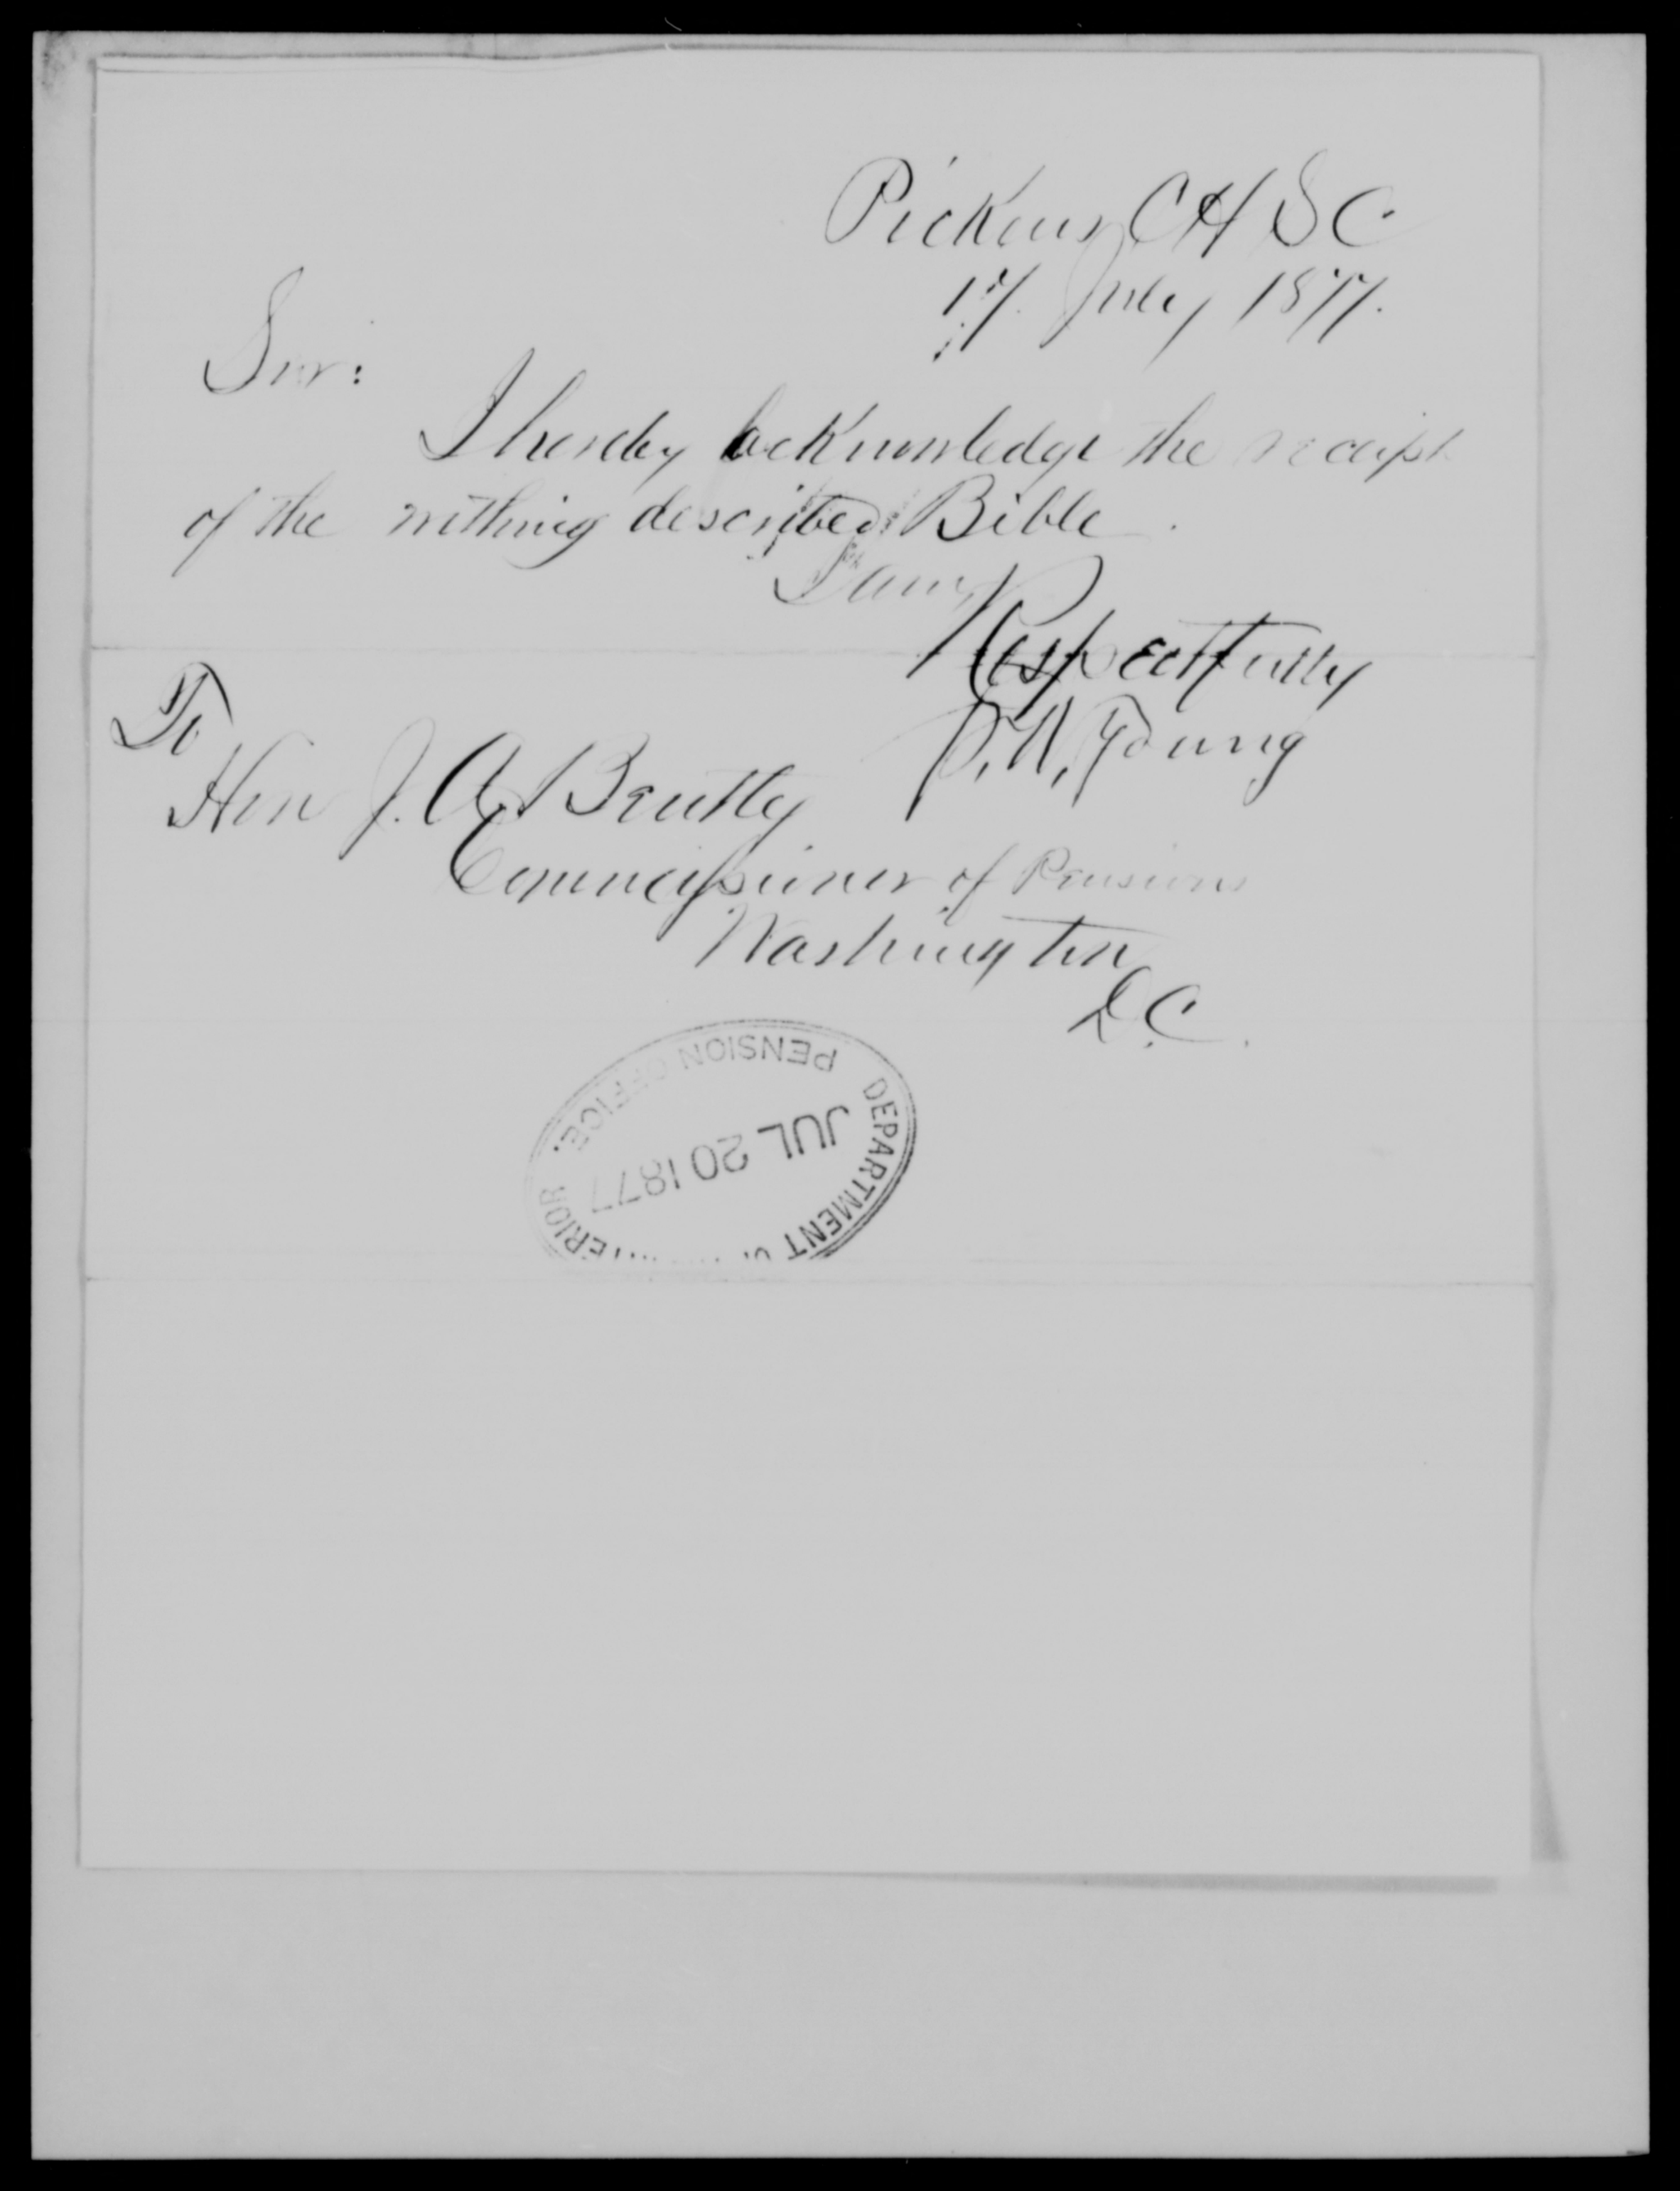Pickens CHSC [Court House South Carolina]
17 July 1877.

Sir:
      I hereby acknowledge the receipt
of the (?) described Bible.
Respectfully
J. [Joseph] W. Young

To
Hon [Honorable] J. [John} A. Bentley
Commissioner of Pensions
Washington, D.C.

Official Stamp/Seal
DEPARTMENT OF THE INTERIOR.
JUL 20 1877
PENSION OFFICE.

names: J A Bentley, J W Young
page: 38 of 56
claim: widow's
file: W. 9040, Levi Young, Ga. New Jersey S.C.